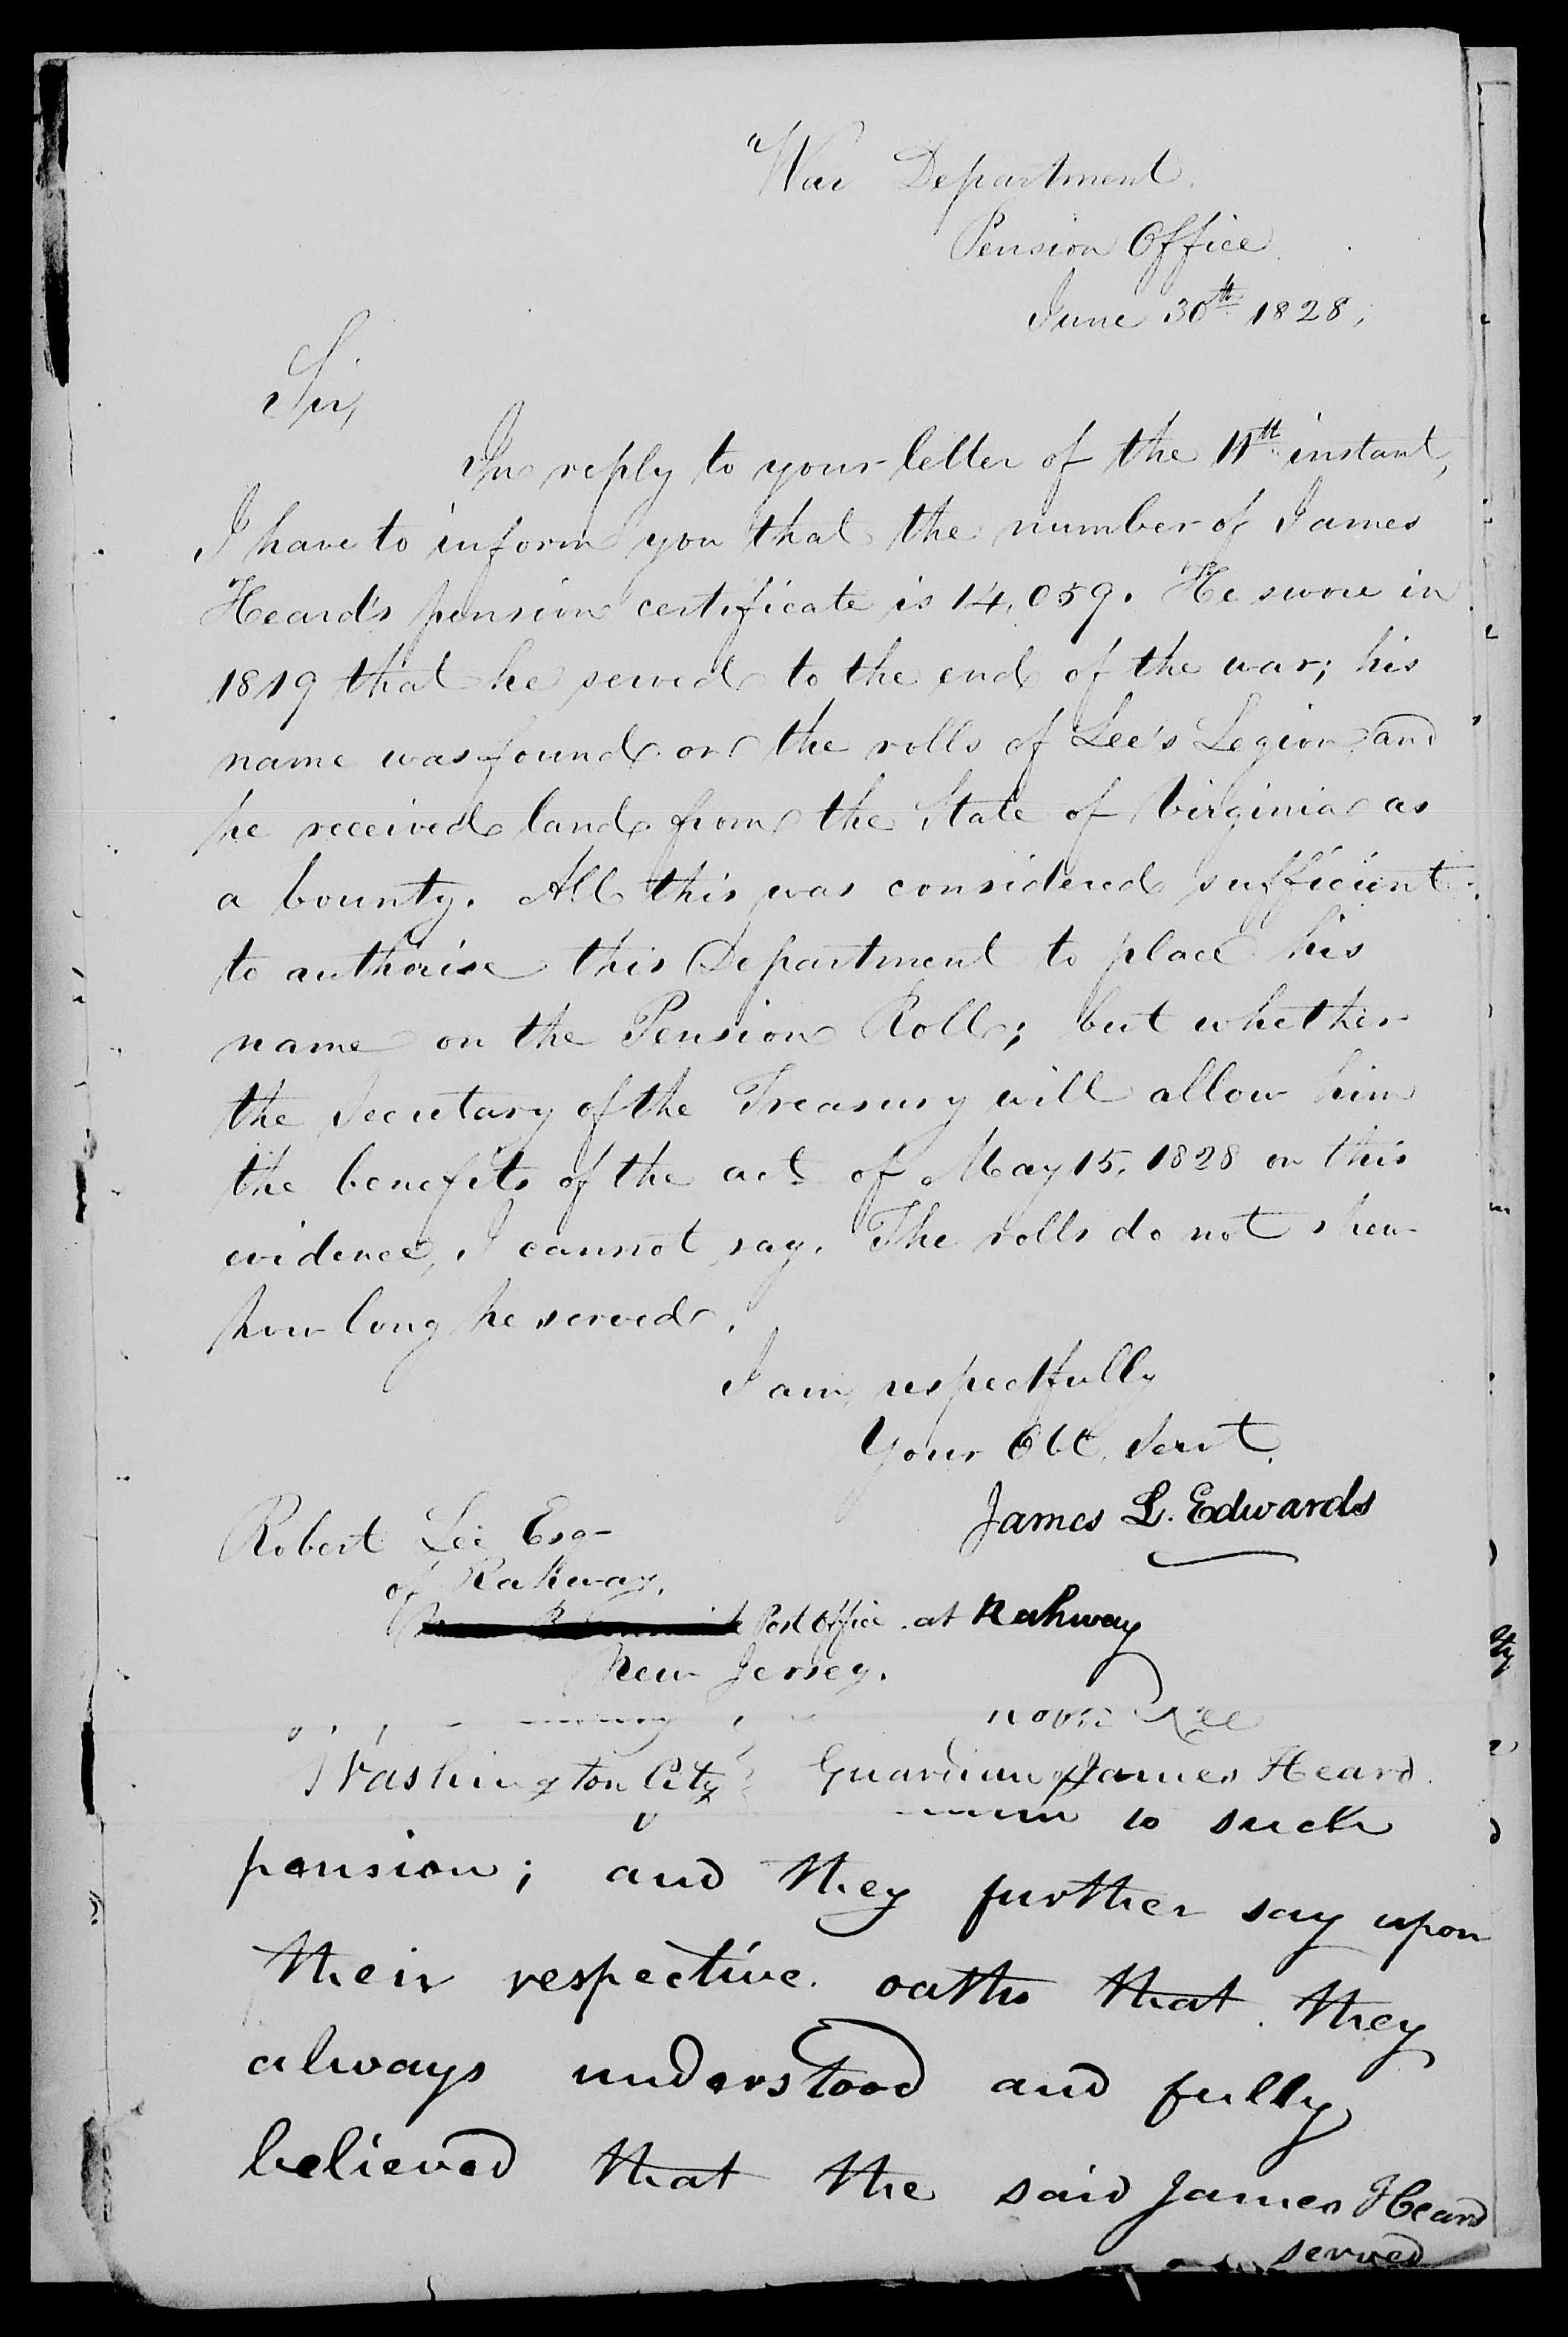War Department 
Pension Office
June 30, 1828

Sir, 

In reply to your letter of the 11th instant, I have to inform you that the number of James Heard’s pension certificate is 14059. He swore in 1819 that he served to the end of the war; his name was found on the rolls of Lee’s Legion and he received land from the State of Virginia as a bounty. All this was considered sufficient to authorize this department to place his name on the pension rolls; but whether the Secretary of the Treasury will allow him the benefits of the act of May 15, 1828 on this evidence, I cannot say. The rolls do not show how long he served. 

I am respectfully your obedient servant,
J. L. Edwards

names: James Heard, James Heard, Robert Lee, James Heard, James L Edwards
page: 29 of 62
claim: survivor's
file: S. 540, James Heard, Continental - New Jersey Residence In 1818